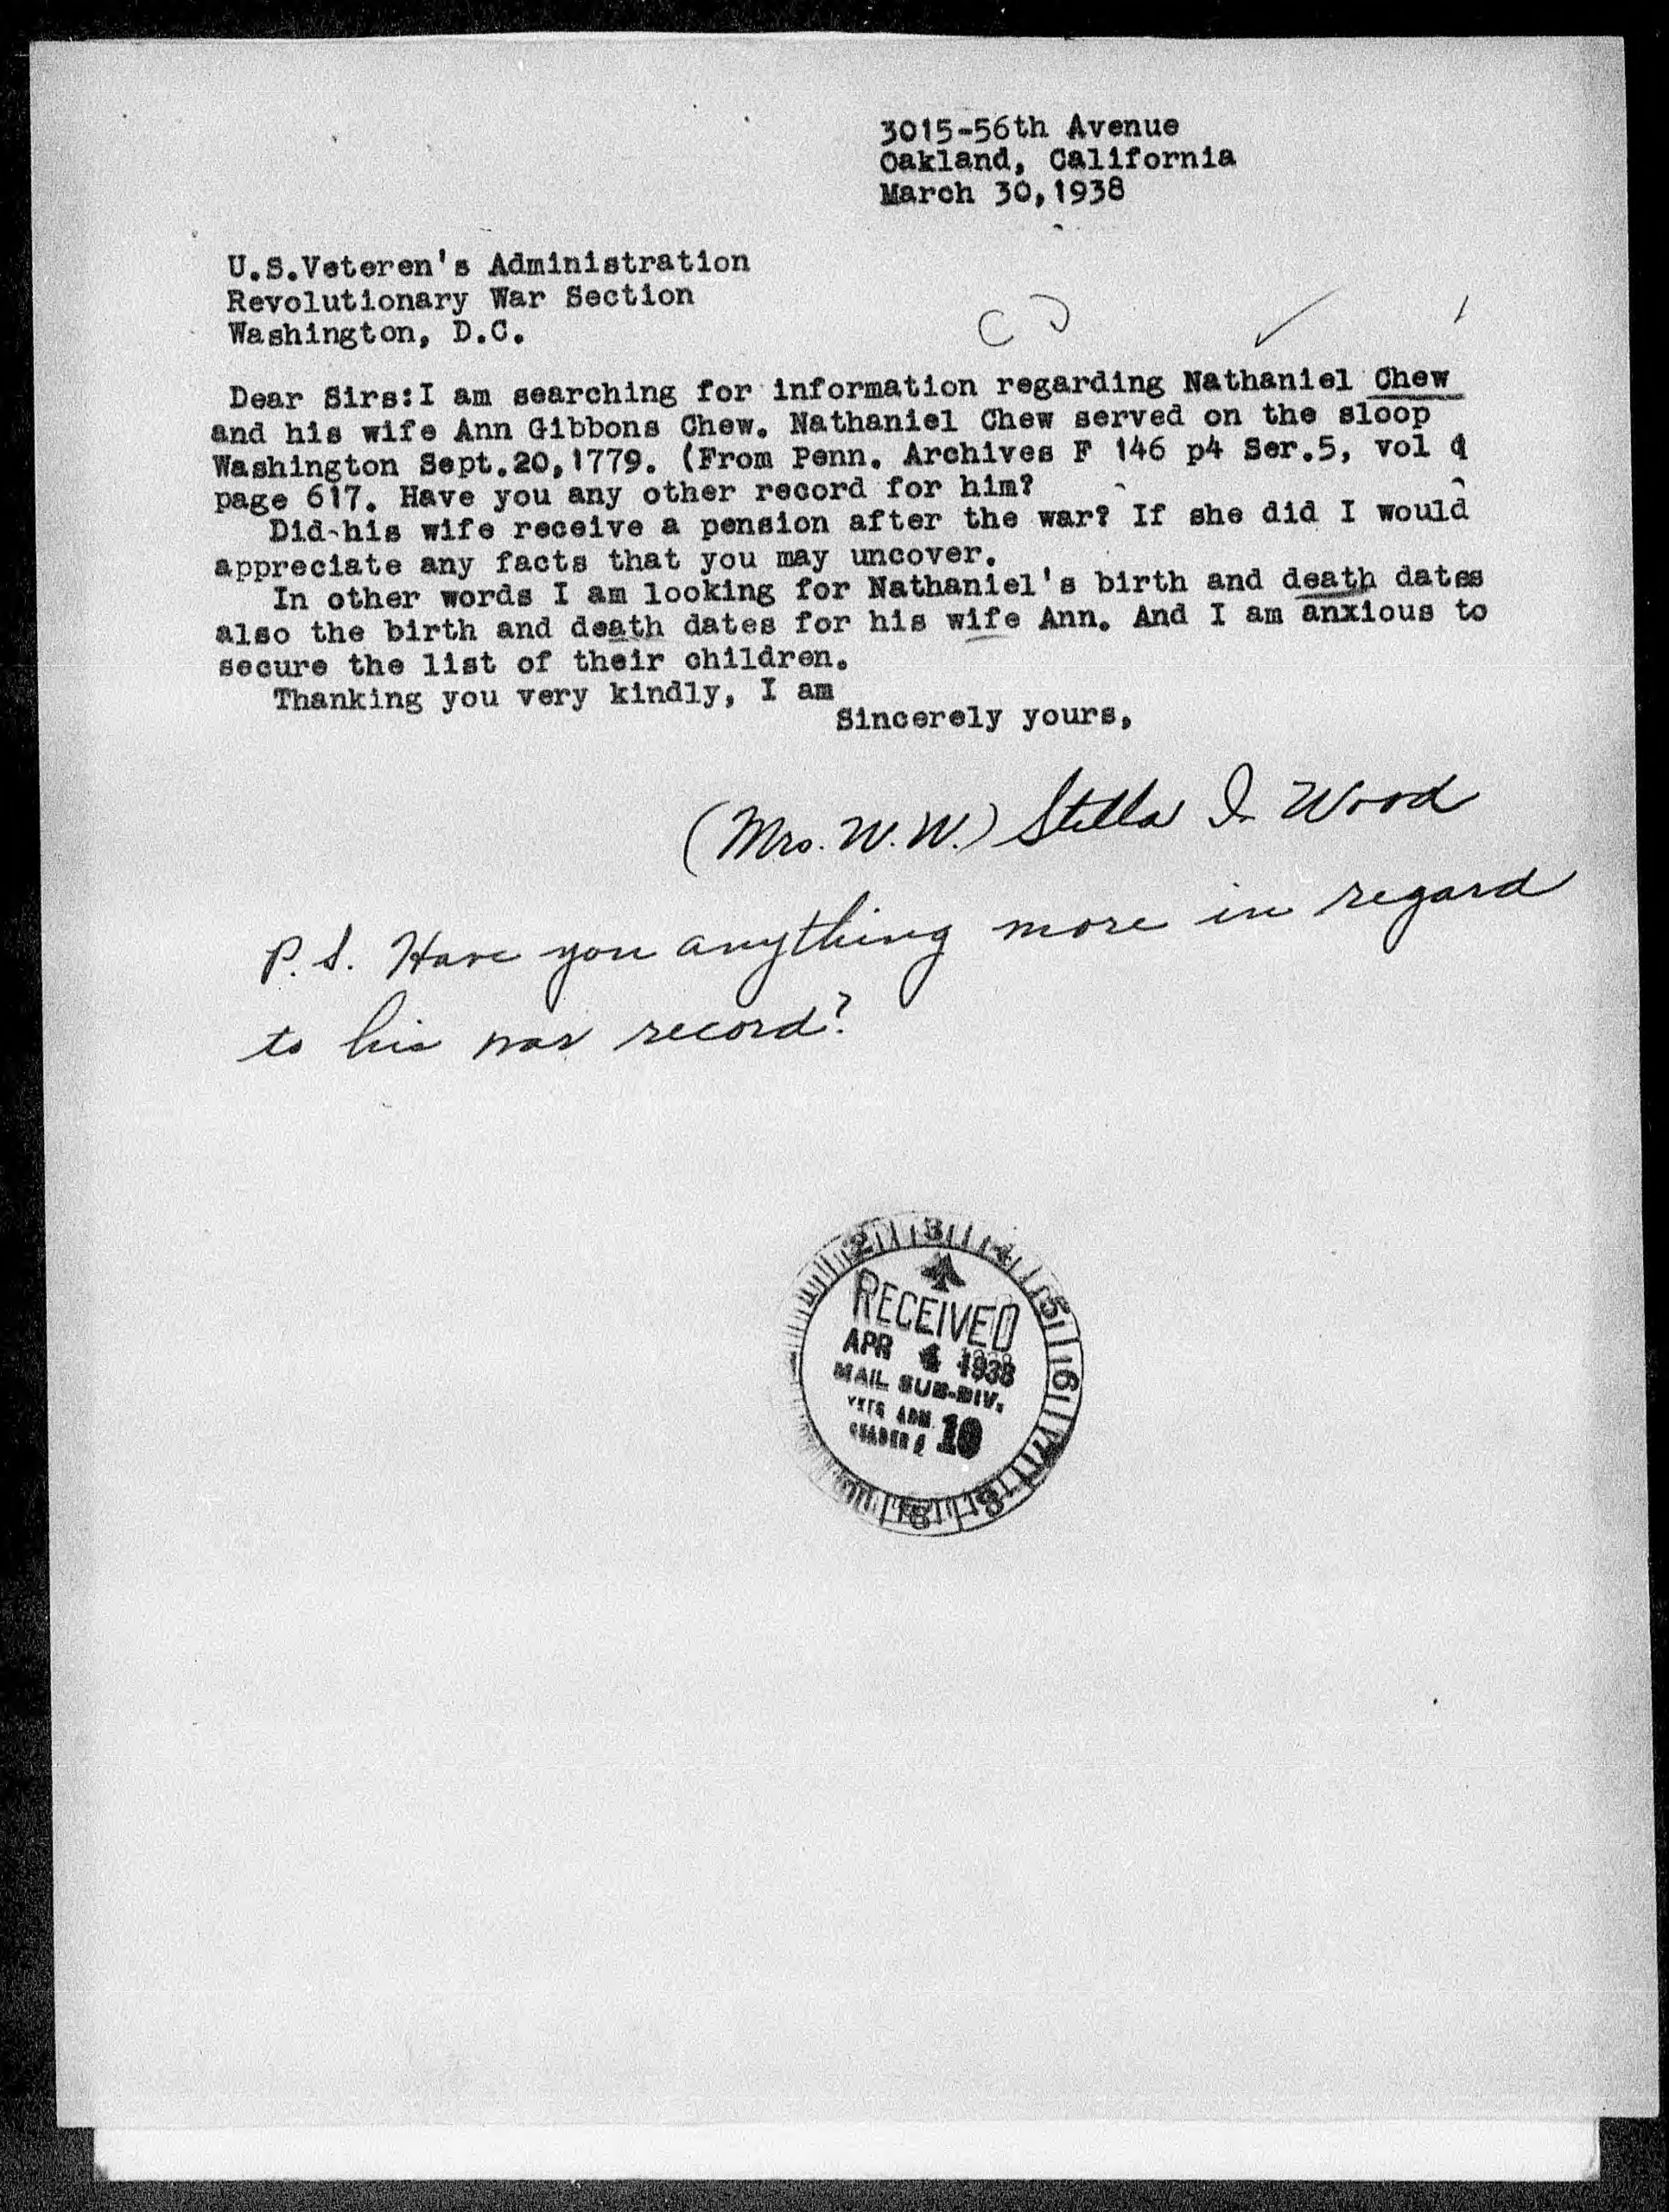3015-56th Avenue
Oakland, California
March 30, 1938

U.S.Veteren's Administration
Revolutionary War Section
Washington, D.C.

Dear Sirs:  I am searching for information regarding Nathaniel Chew
and his wife Ann Gibbons Chew.  Nathaniel Chew served on the sloop
Washington Sept.20, 1779,  (From Penn. Archives F 146 p4 Ser.5, vol 1
page 617.  Have you any other record for him?

Did his wife receive a pension after the war?  If she did I would
appreciate any facts that you may uncover.

In other words I am looking for Nathaniel's birth and death dates
also the birth and death dates for his wife Ann.  And I am anxious to
secure the list of their children.

Thanking you very kindly, I am

Sincerely yours,

(Mrs. W.W.) Stella I Wood

P.S. Have you anything more in regard
to his war record?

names: Nathaniel, Nathaniel Chew, J Wood, W W Stills, Ann Gibbons Chew, Ann, Nathaniel Chew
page: 38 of 59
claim: widow's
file: W. 9383, Nathaniel Chew, Navy (Md.)